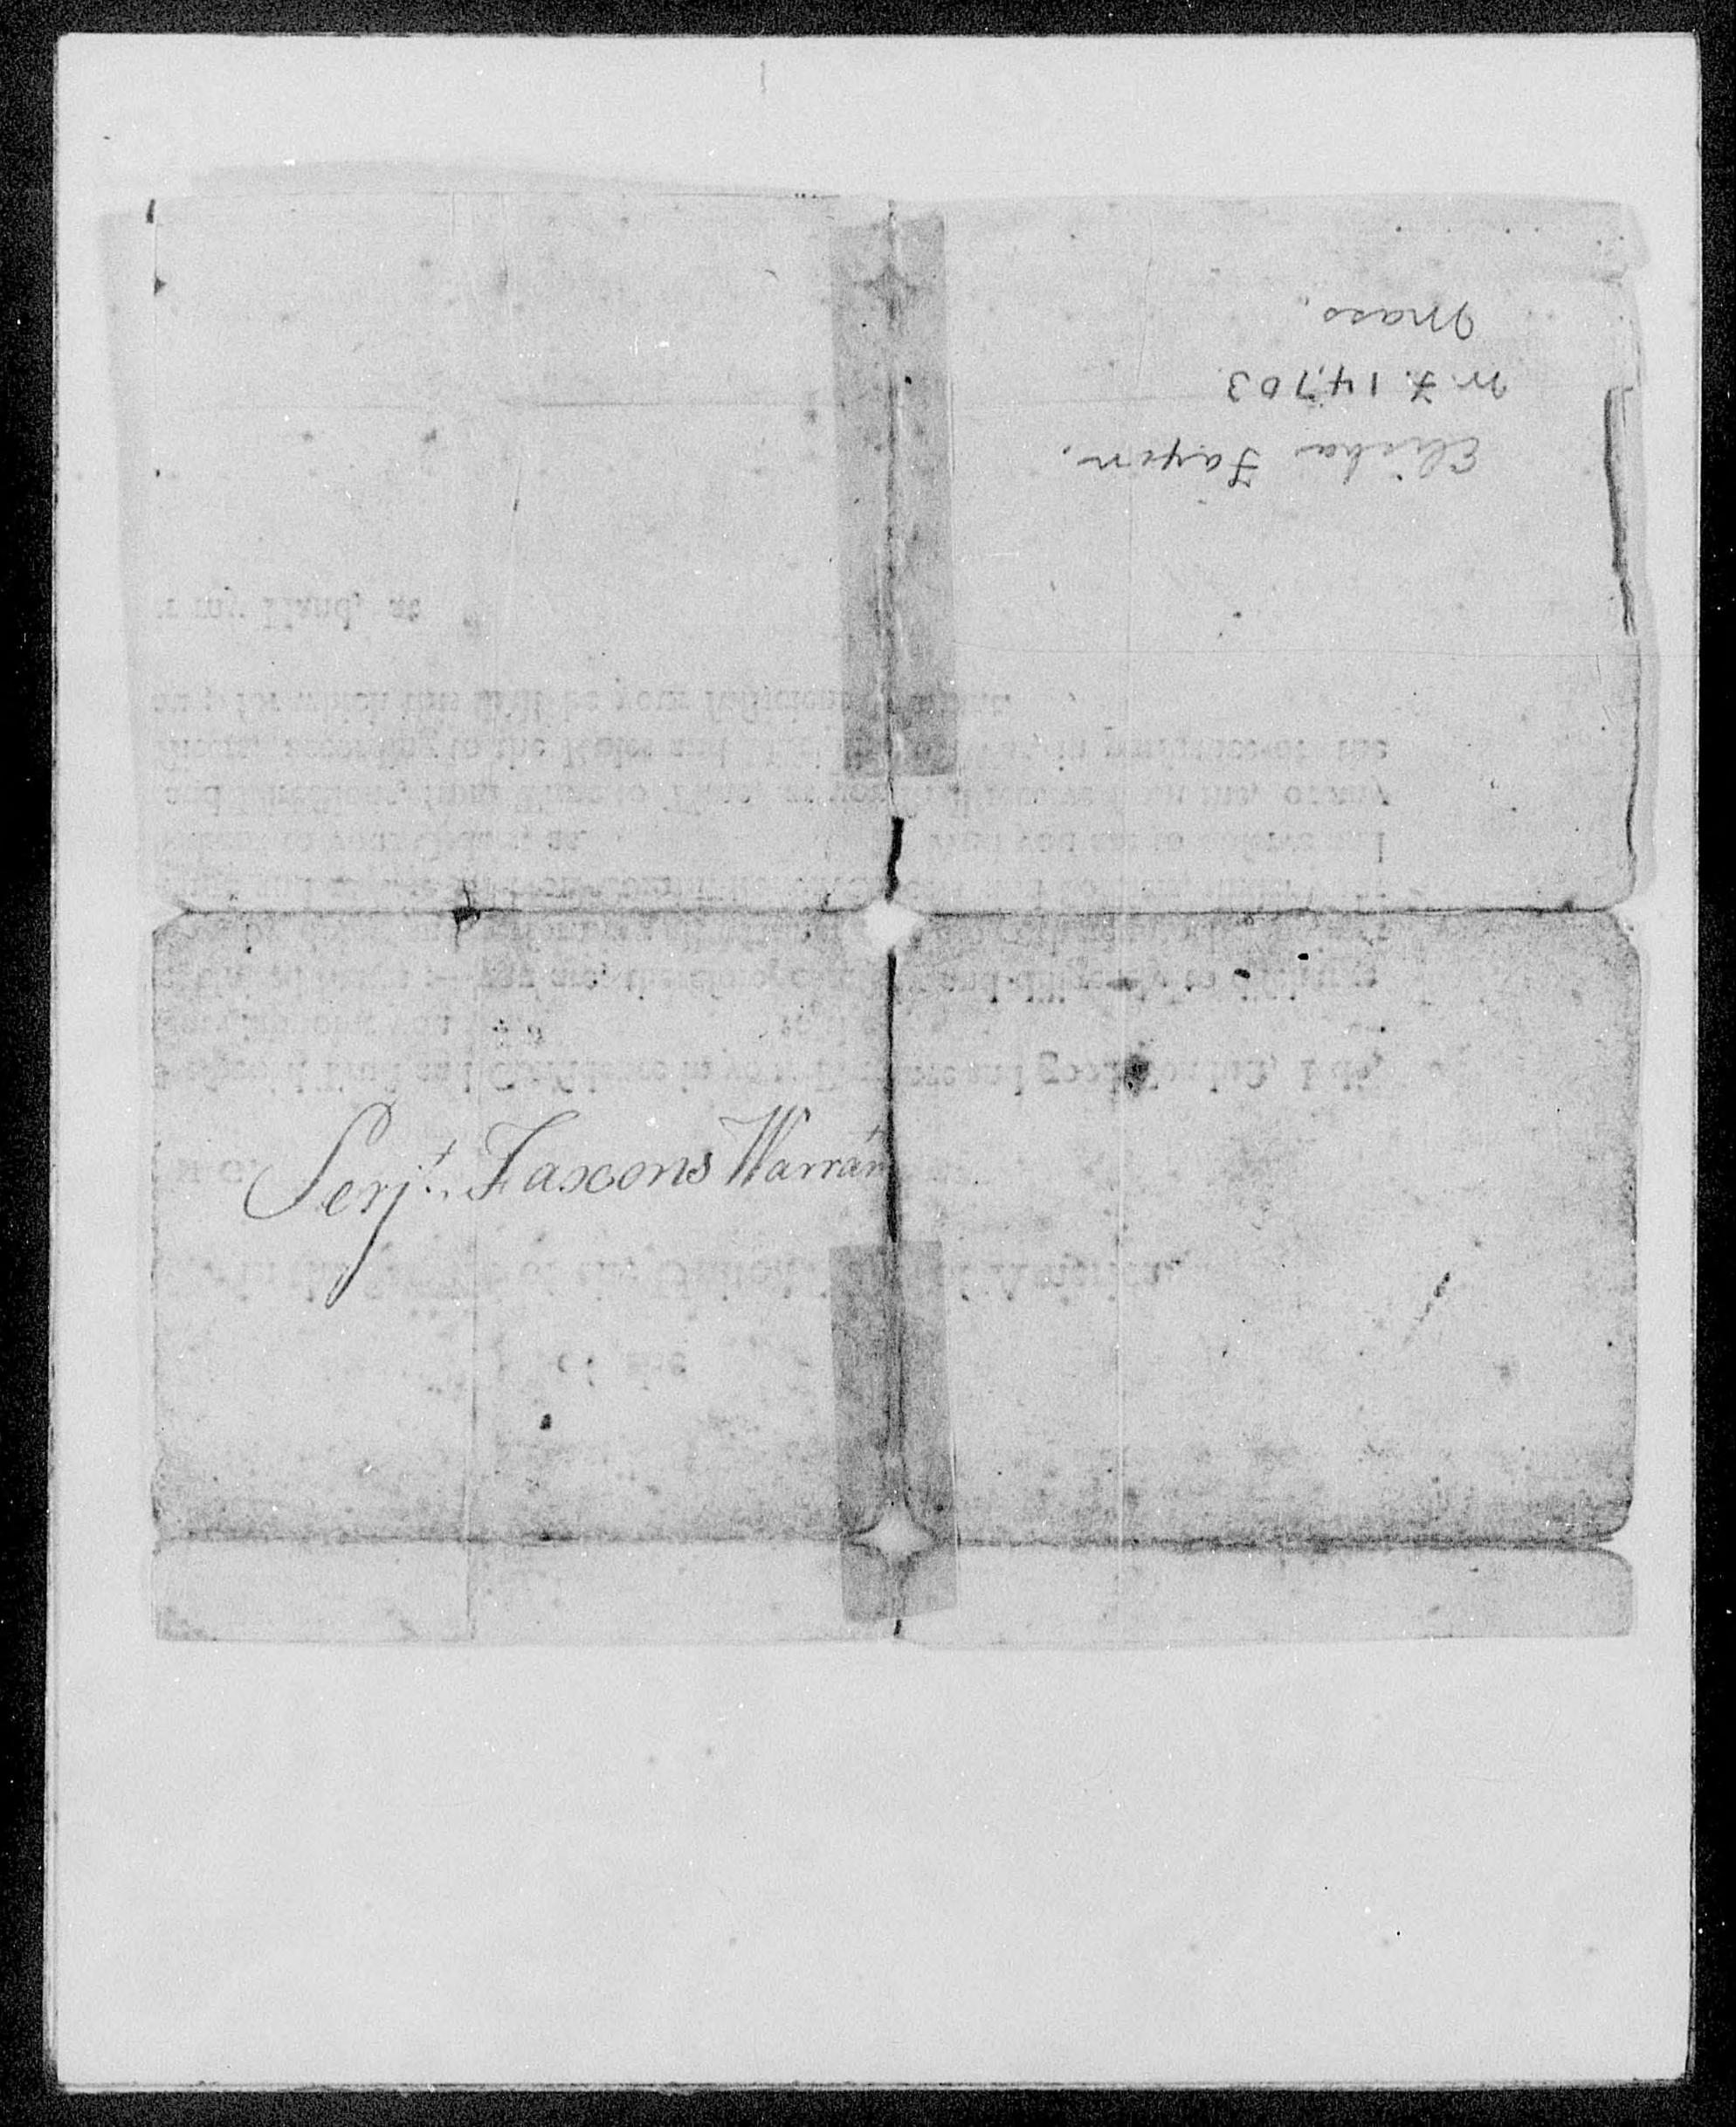Elisha Faxon
14703
Mass
Sergt. Faxons Warrant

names: Faxon, Elisha Faxon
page: 17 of 47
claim: widow's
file: W. 14703, Elisha Faxon, Mass